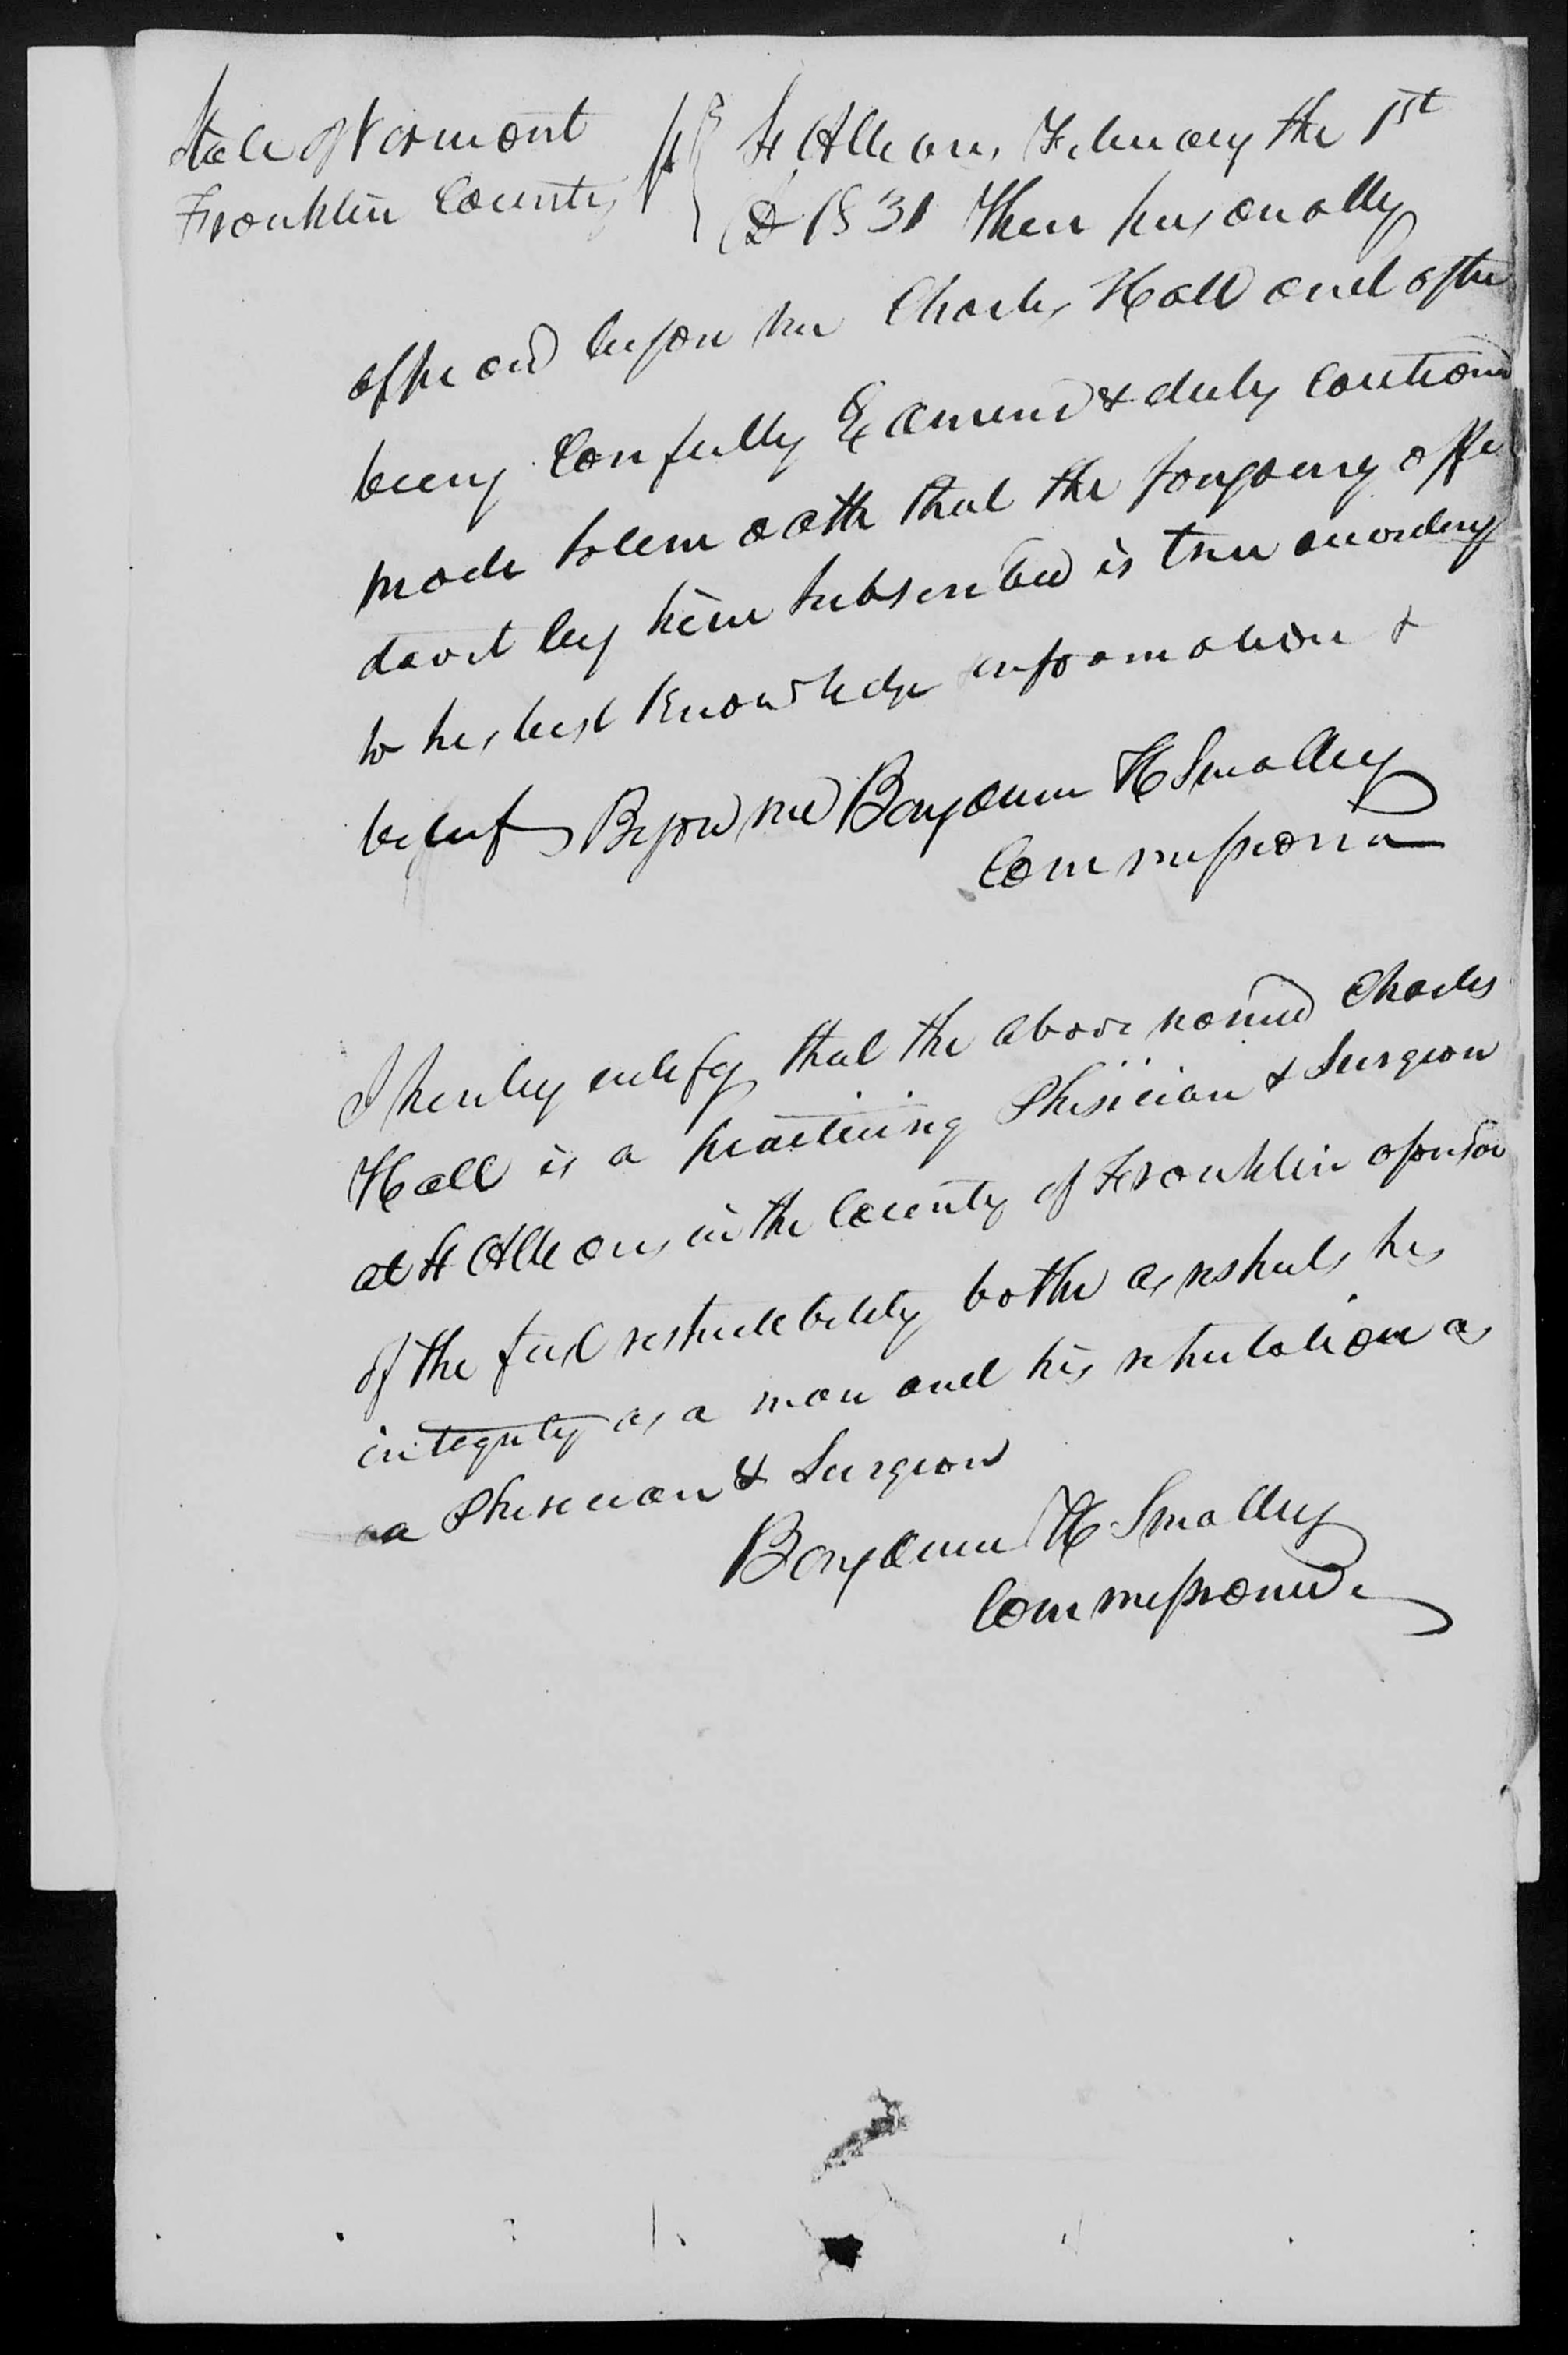State of Vermont  } St. Alban, February 
Franklin County    } the 1st AD 1831 There personally appeared before me Charles Hall and after being carefully examined & duly cautioned made solem (sic) oath that the forgoing affidavit by him subscribed is true according to his best knowledge information & beliefs 
Before me Benjamin H Smalley
Commissioner

I hereby certify that the above named Charles Hall is a practicing Physician & Surgeon at [illegible] in the County of Franklin aforesaid of the {illegible] respectability both [illegible] his integrity as a man and his reputation as Physician & Surgeon
Benjamin H Smalley
Commissioner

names: Charles Hall, Benjamin H Smalley, Benjamin H Smalley, F Allion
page: 57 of 100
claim: survivor's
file: S 19186, James Austin, Conn. New York R.I.